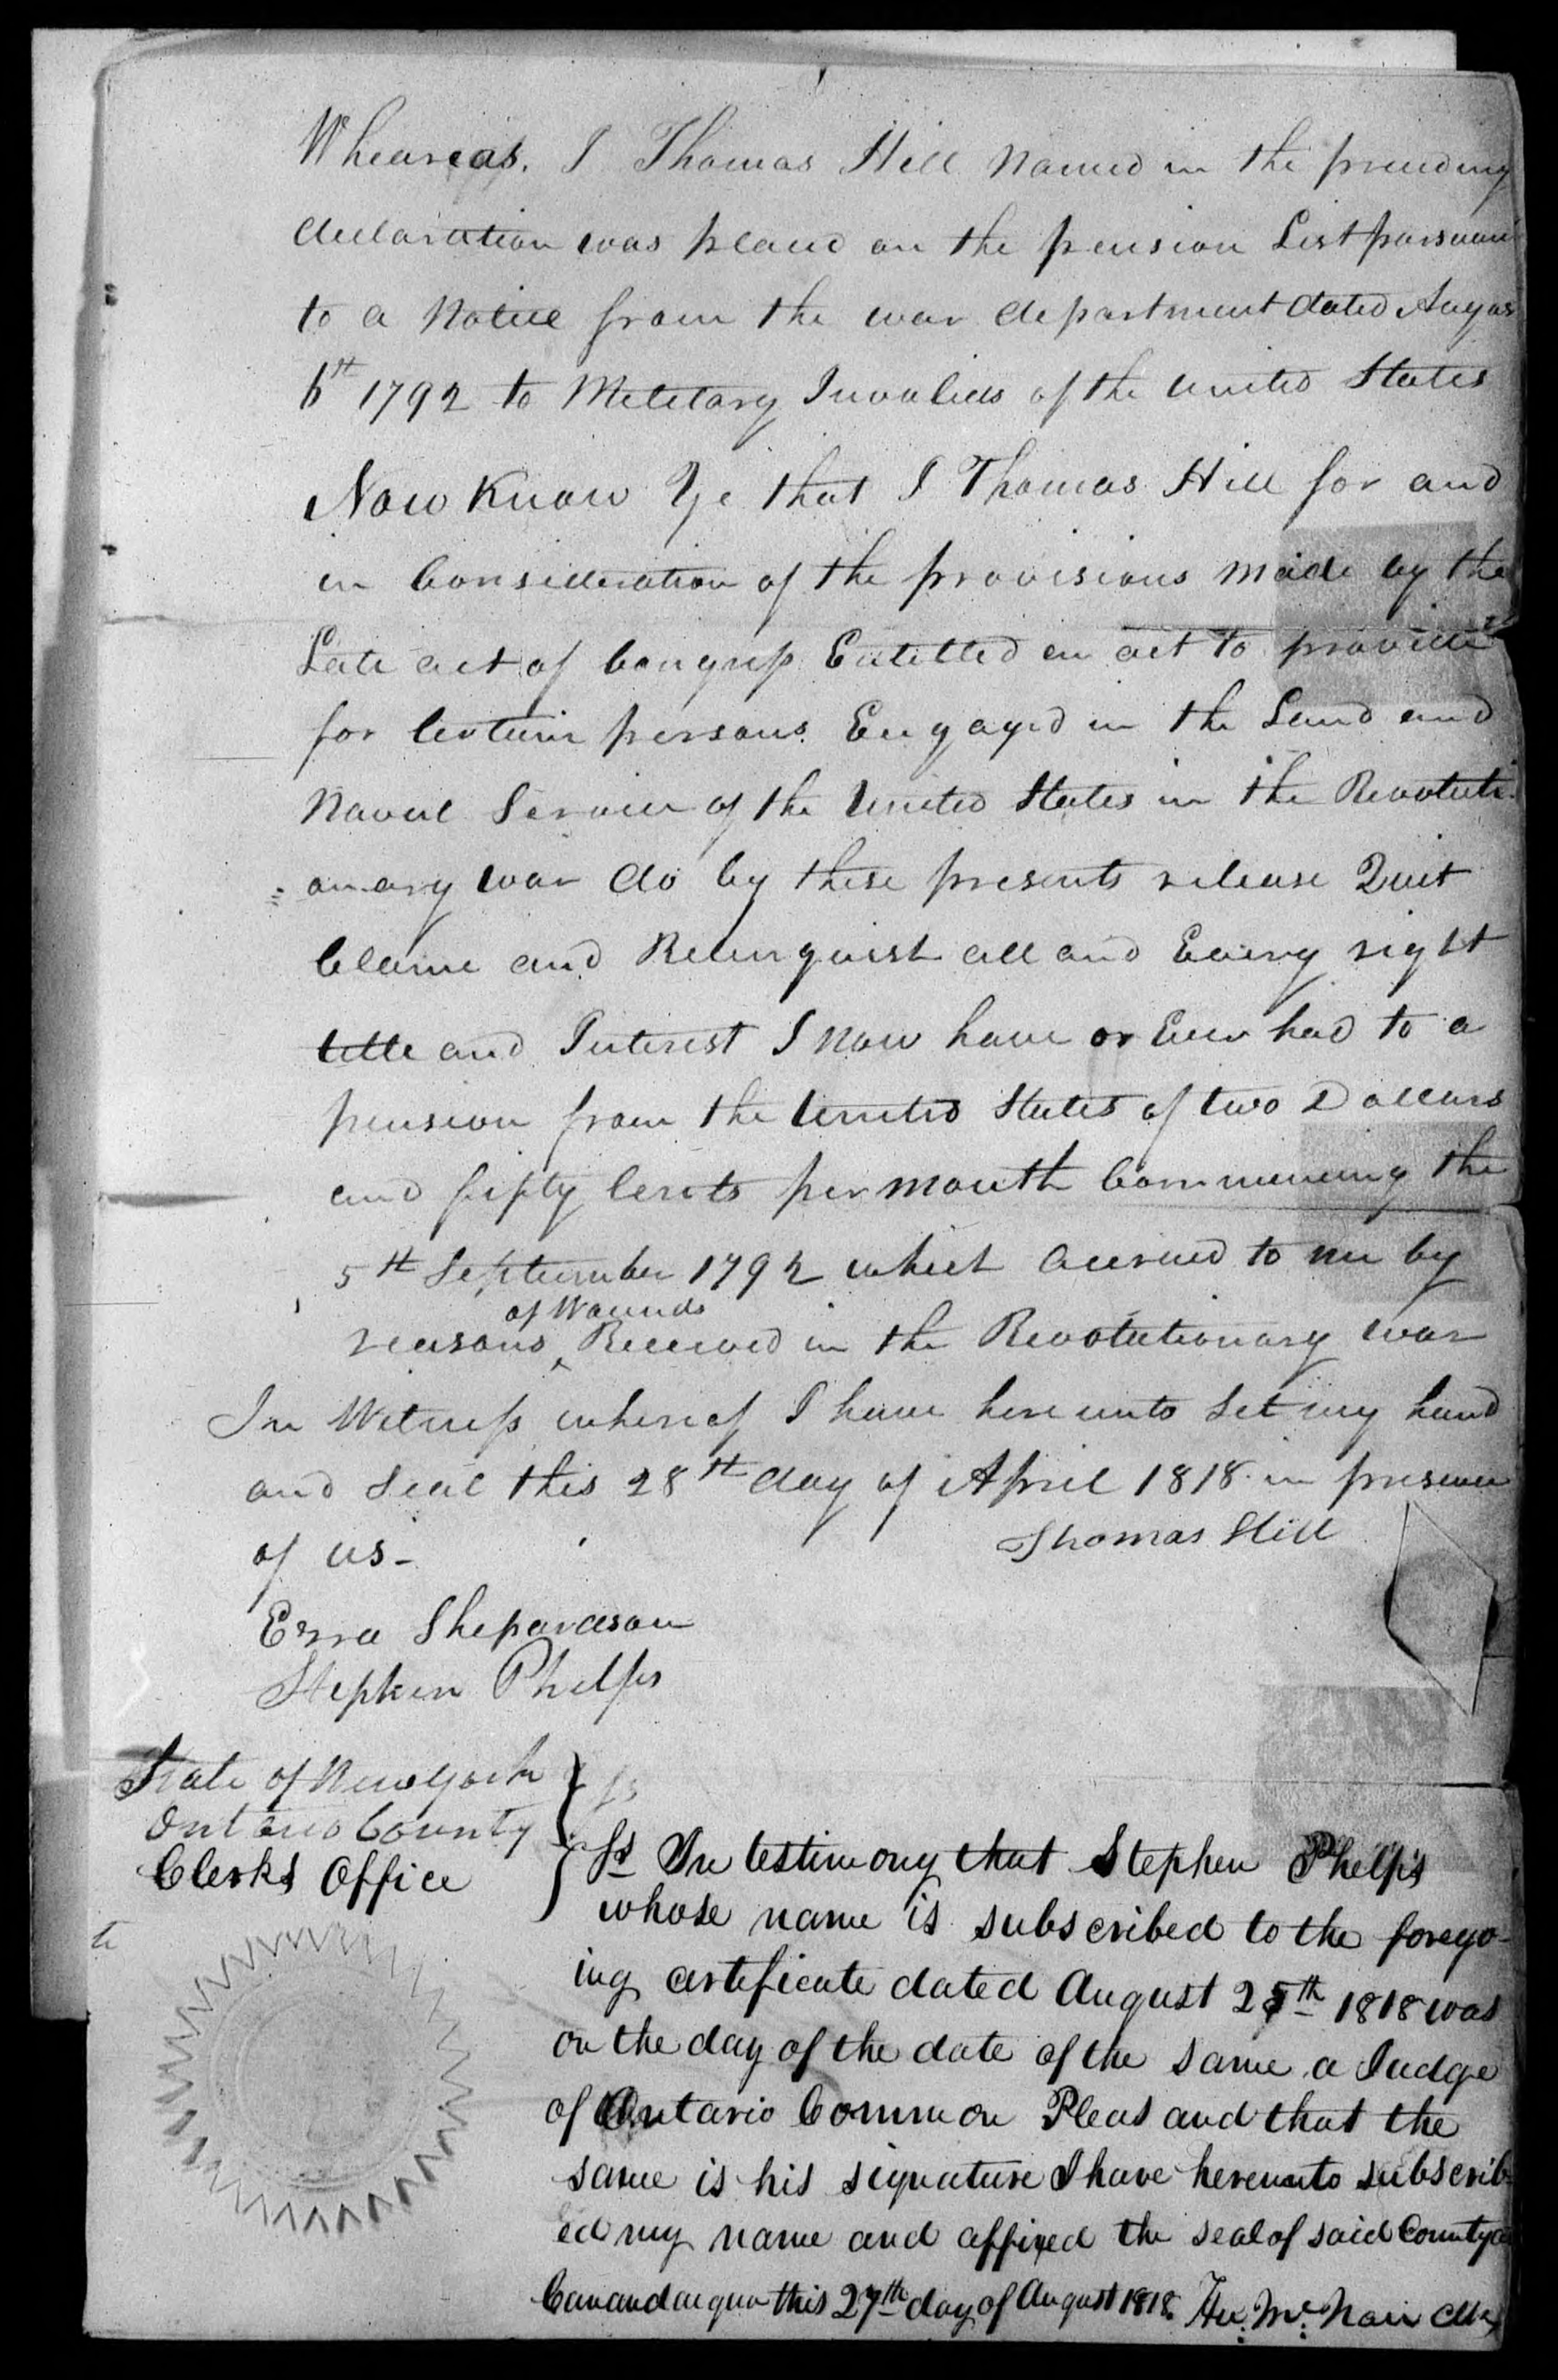Wheareas, I Thomas Hill named in the preceding declaration was placed on the pension List pursuant to a Notice from the war department dated August 6th 1792 to Military Invalids of the United States

Now know ye that I Thomas Hill for and in Consideration of the provisions made by the Late act of Congress entitled an act to provide for Certain persons Engaged in the Land and Naval Services of the United States in the Revolutionary War do by the presents release Quit claim and Relinquish all and every right title and Interest I now have or even had to a pension from the United States of two Dollars and fifty cents per month commencing the 5th September 1792 which accrued to me by  reasons of Wounds Received in the Revolutionary War

In Witness whereof I have here unto Let my hand and deal this 28th day of April 1818 in presence of us-
Thomas Hill [name right-justified]
Ezra Shepardson
Stephen Phelps

State of New York
Ontario County Ss.
Clerks Office

[sun-shaped sticker]

[illegible] testimony that Stephen Phelp's whole name is subscribed to the foregoing certificate dated August 25th 1818 was on the day of the date of the same a Judge of Ontario Common Pleas and that the same is his signature I have hereunto subscribed my name and affixed the seal of said county Canandaigua this 27th day of August 1818 Hon McNair clk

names: Thomas Hill, Thomas Hill, Stephen Phelps, Mc Nair, Thomas Hill, Stephen Phelps, Ezra Shepardson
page: 10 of 31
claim: survivor's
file: S. 43672, Thomas Hill, New York